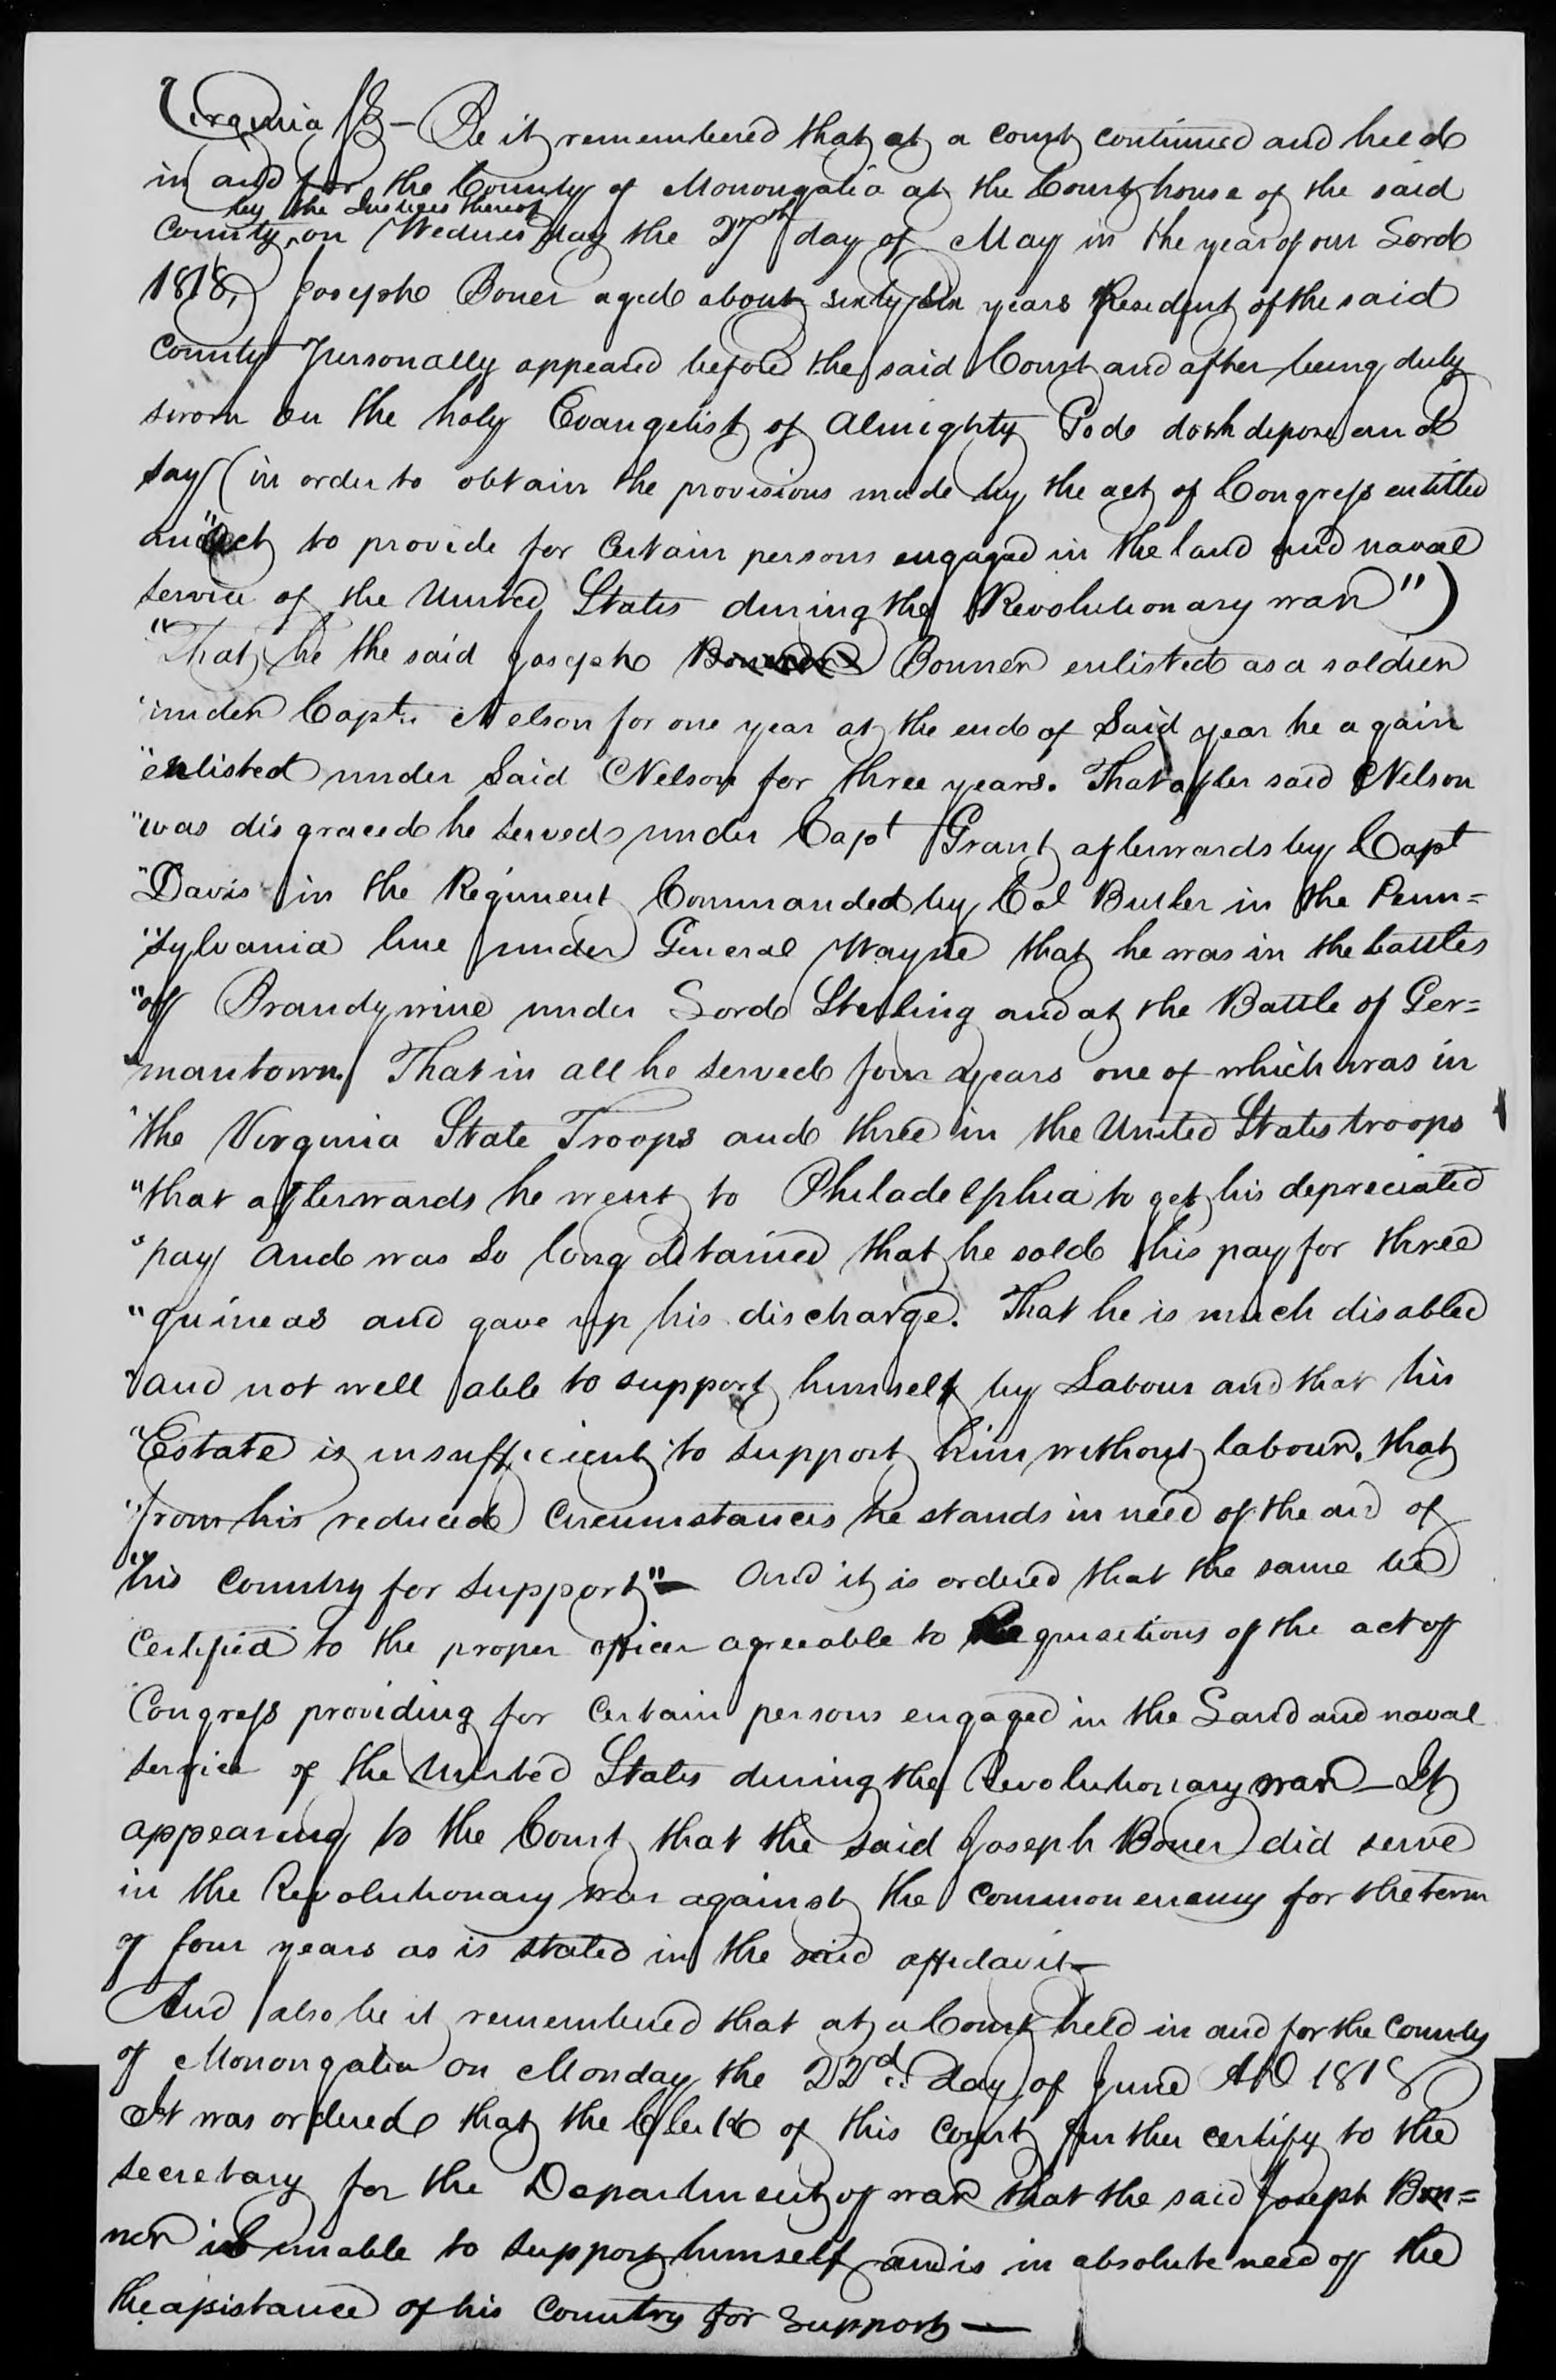Virginia SS-Be it remembered that at a court continued and held in and for the County of Monongalia at the Court house of the said county by the Justices thereof on Wednesday the 2nd day of May in the year of our Lord 1818, Joseph Boner aged about sixty six years Resident of the said County personally appeared before the said Court and after being duly sworn on the holy Evangelist of Almighty God doth despose and say (in order to obtain the provisions made by the act of Congress entitled an "Act to provide certain persons engaged in the land and naval Service of th United States during the Revolutionary war') that he said Joseph (misspelled last name crossed through) Bonner enlisted as a soldier under Capt. Nelson for one year at the end of Said year he again enlisted under Said Nelson for three years. That after said Nelson "was disgraced he Served under Capt. Grant afterwards by Capt. Davis in the Regiment commanded by Col. Butler in the Pennsylvania line under General Wayne that he was in the battles "of Brandywine under Sard.. Sterling and at the Battle of Germantown. That in all he served four years one of which was in the Virginia State Troops and three in the United States troops "that afterwards he went to Philadelphia to get his depreciated pay And was So long Detained that he sold his pay for three guineas and gave up his discharge. That he is much disabled and not well able to support himself by Labor and that his Estate is insufficient to support him without labor. That from his reduced circumstances he stands in need of the aid of his country for Suport." And it is ordered that the same be certified to the proper office agreeable to (word crossed out) questions of the act of Congress providing for certain persons engaged in the Land and naval Service of the United States during the Revolutionary war--If appearing to the Court that the said Joseph Boner did serve in the Revolutionary war against the common enemy for the term of four years as is stated in the said affidavit--
And also be it remembered that at a Court held in and for the County of Monongalia on Monday the 22nd day of June A. D. 1818 It was ordered that the Clerk of this Court further certify to the secretary for the Department of war that the said Joseph Bonner is unable to support himself and is in absolute need of the assistance of his country for support---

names: Joseph Bonner, Grant, Nelson, Nelson, Davis, Butler, Nelson, Joseph Boner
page: 7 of 20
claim: survivor's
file: S. 40,021, Joseph Bonner, Penn.